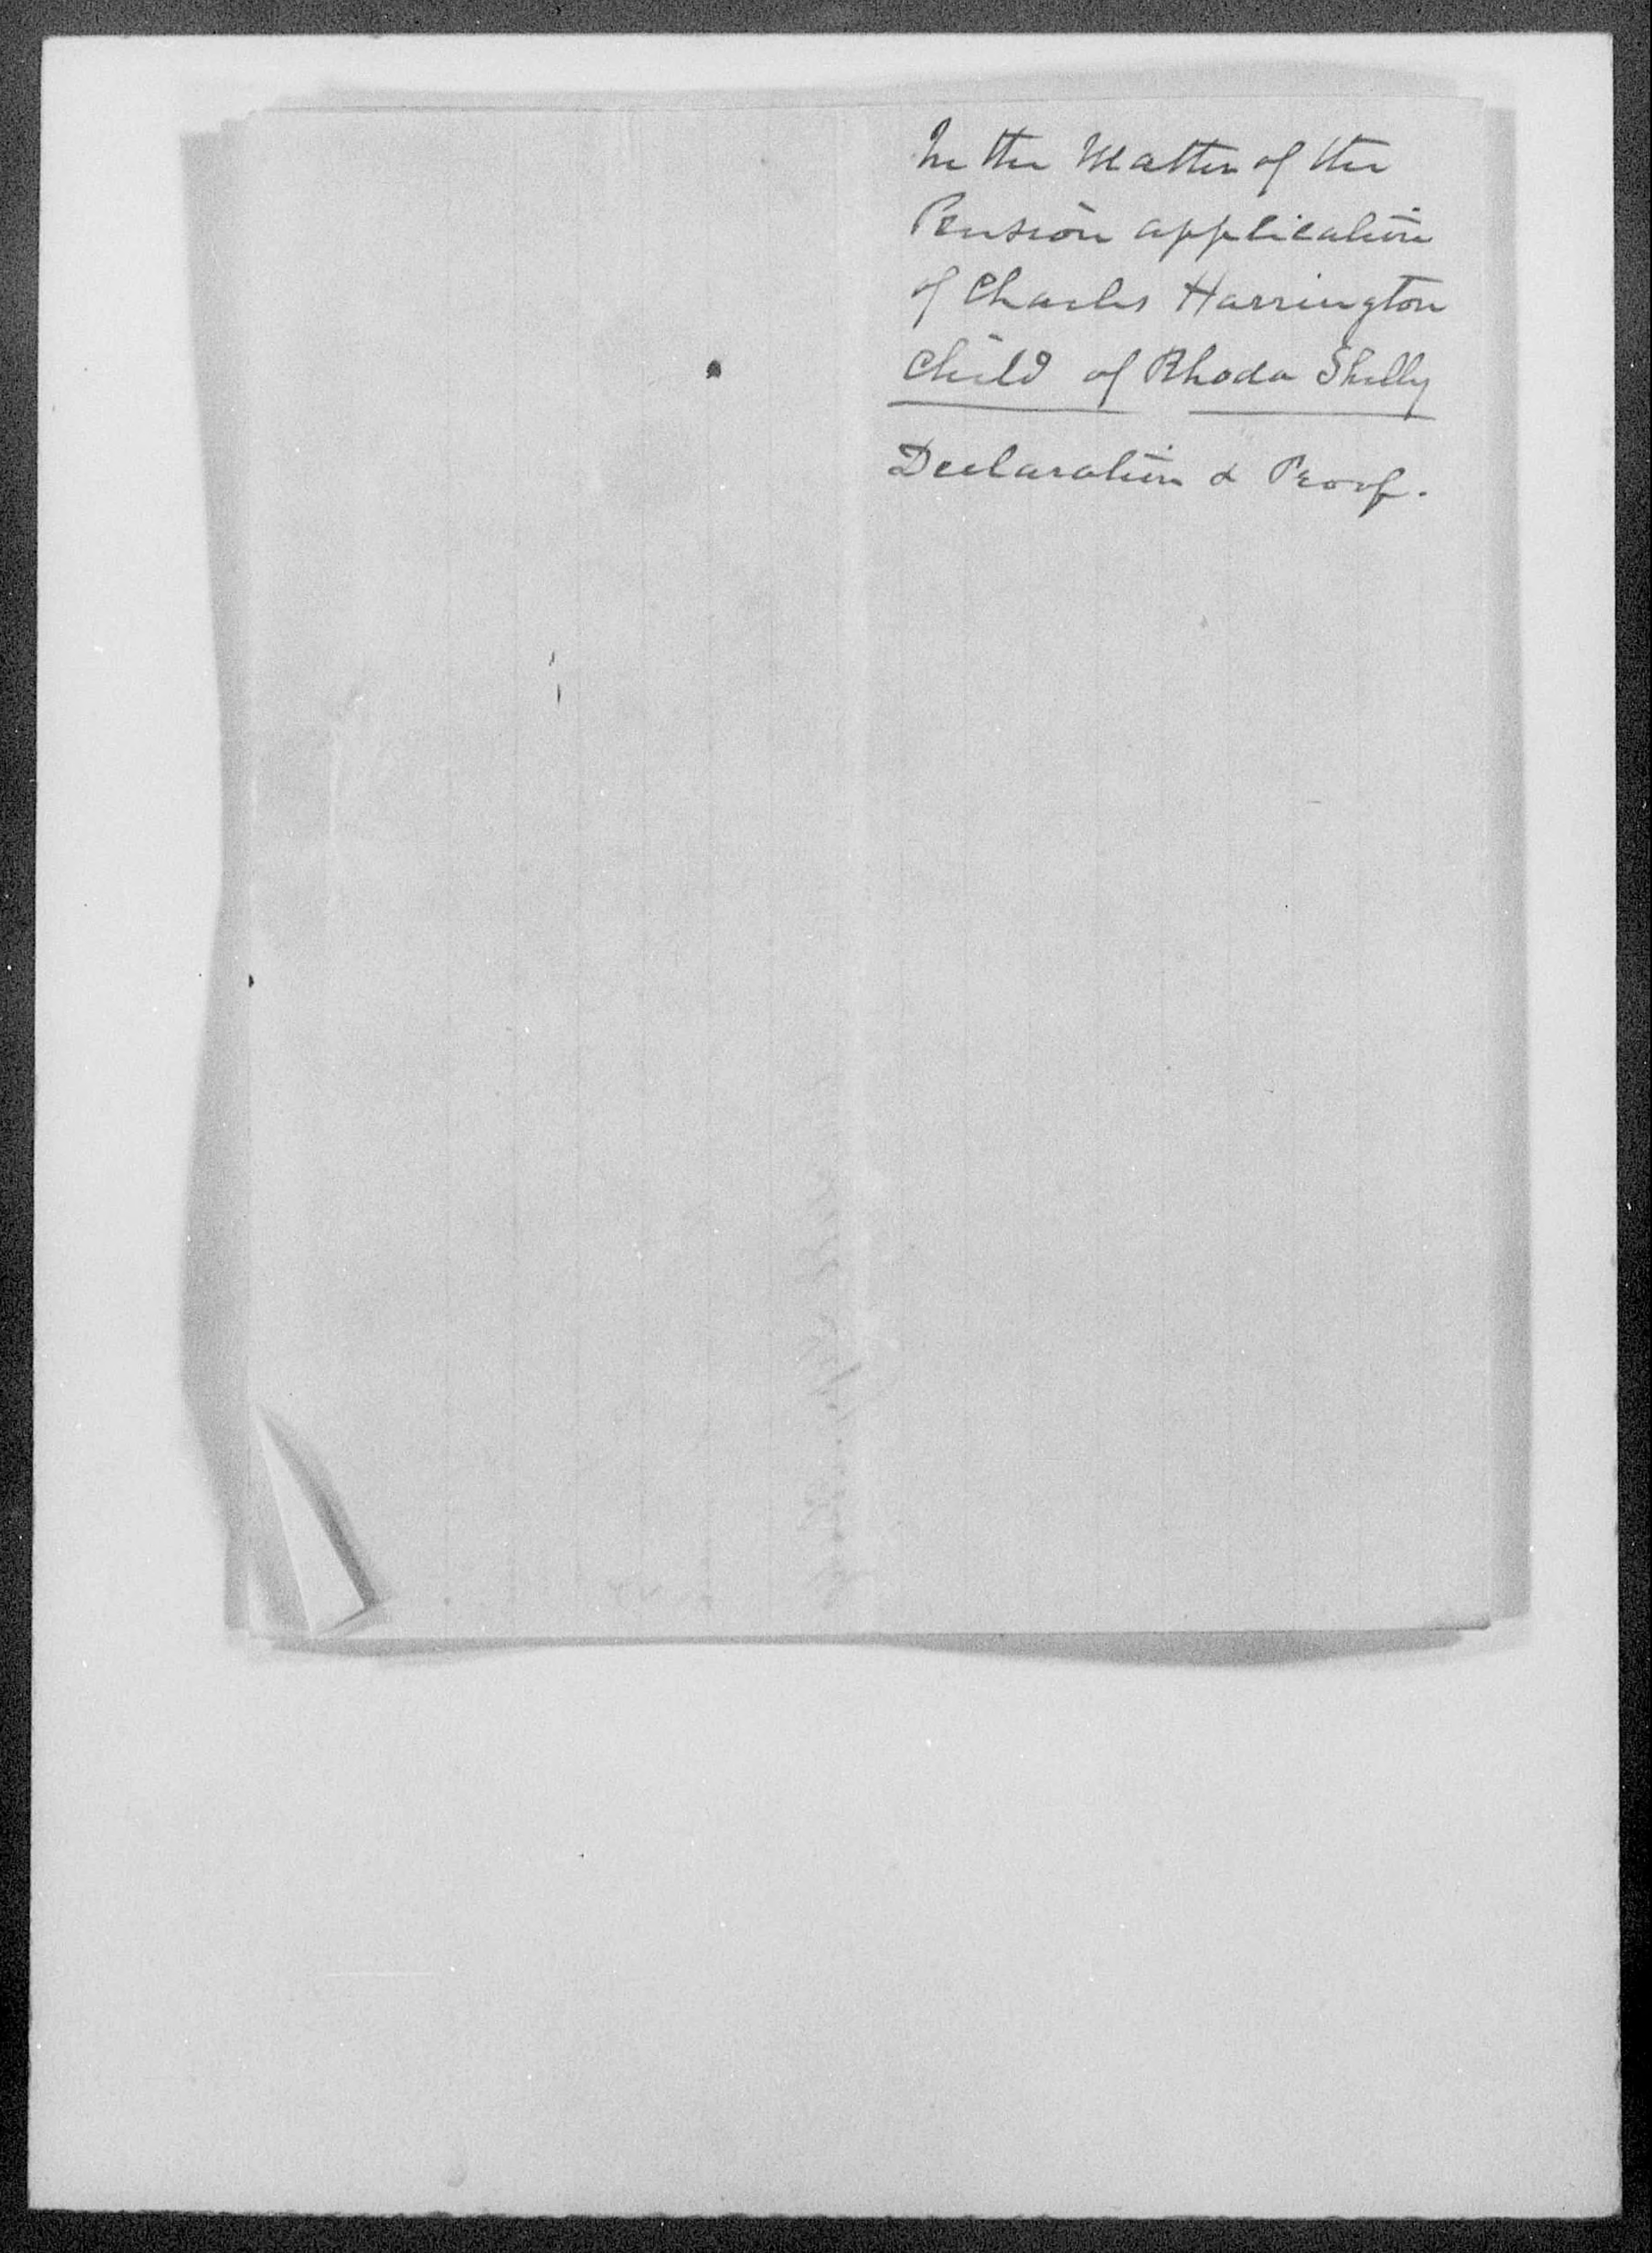In the matter of the Pension application of Charles Harrington child of Rhoda Shelly
Declaration & Proof.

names: Charles Harrington, Rhoda Shelly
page: 22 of 51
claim: widow's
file: W. 19,026, Israel Harrington, R.I.